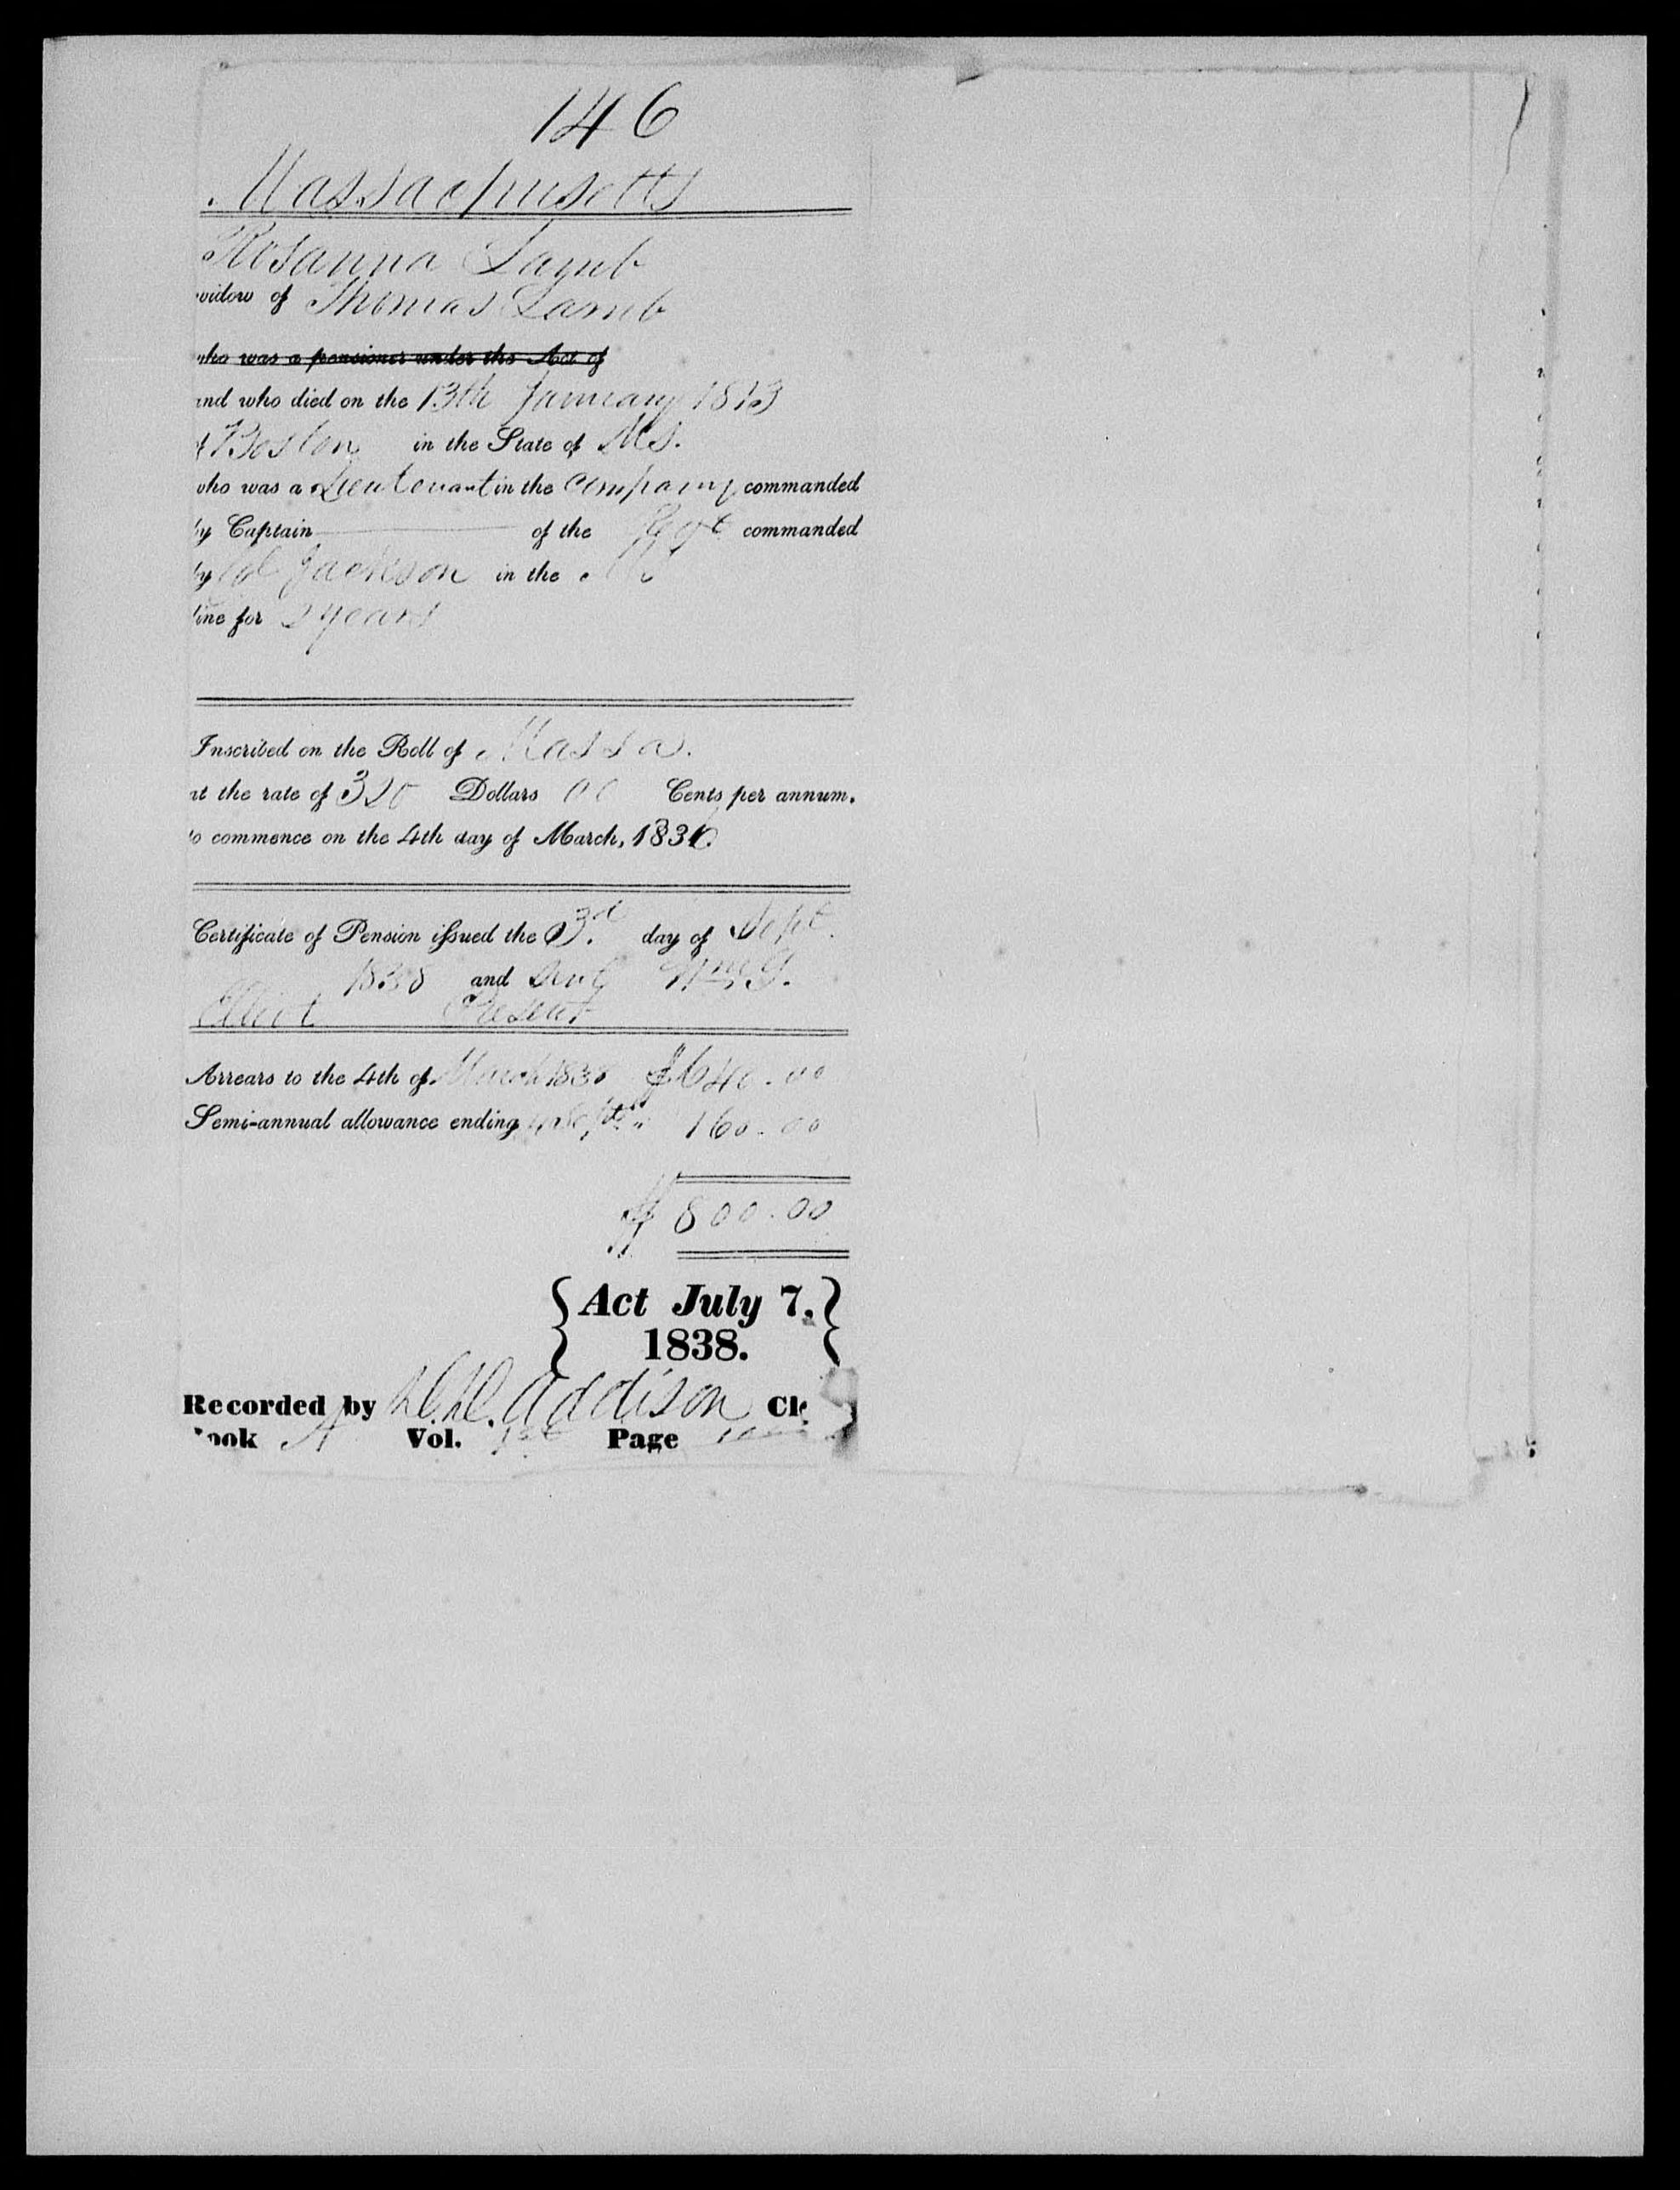146
Massachusetts
_______________
Rosanna Lamb widow of Thomas Lamb and who died on the 13th January, 1813 in Boston, in the State of MS. who was a Lieutenant in the Company commanded by Captain - of the Regt commanded by Col Jackson in the MS line for 2 years
________________
Inscribed on the Roll of Massa. at the rate of 320 Dollars 00 Cents per annum, to commence on the 4th da of March, 1834.
________________
Certificate of Pension issued the 3rd day of Sept. 1838 and sent Mar 9
Elliot Present
________________
Arrears to the 4th of March 1838
Semi-annual allowance ending 4th Sept "
$640.00
 160.00
_______
$800.00
_______
{Act July 7, 1838.}
Recorded by D. D. Addison, Clerk
Book A Vol 1st Page [illegible]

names: [BLANK] Jackson; D D Addison; Wm S Elliot; Rosanna Lamb; Thomas Lamb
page: 15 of 23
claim: widow's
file: W. 15010, for Thomas Lamb, Massachusetts